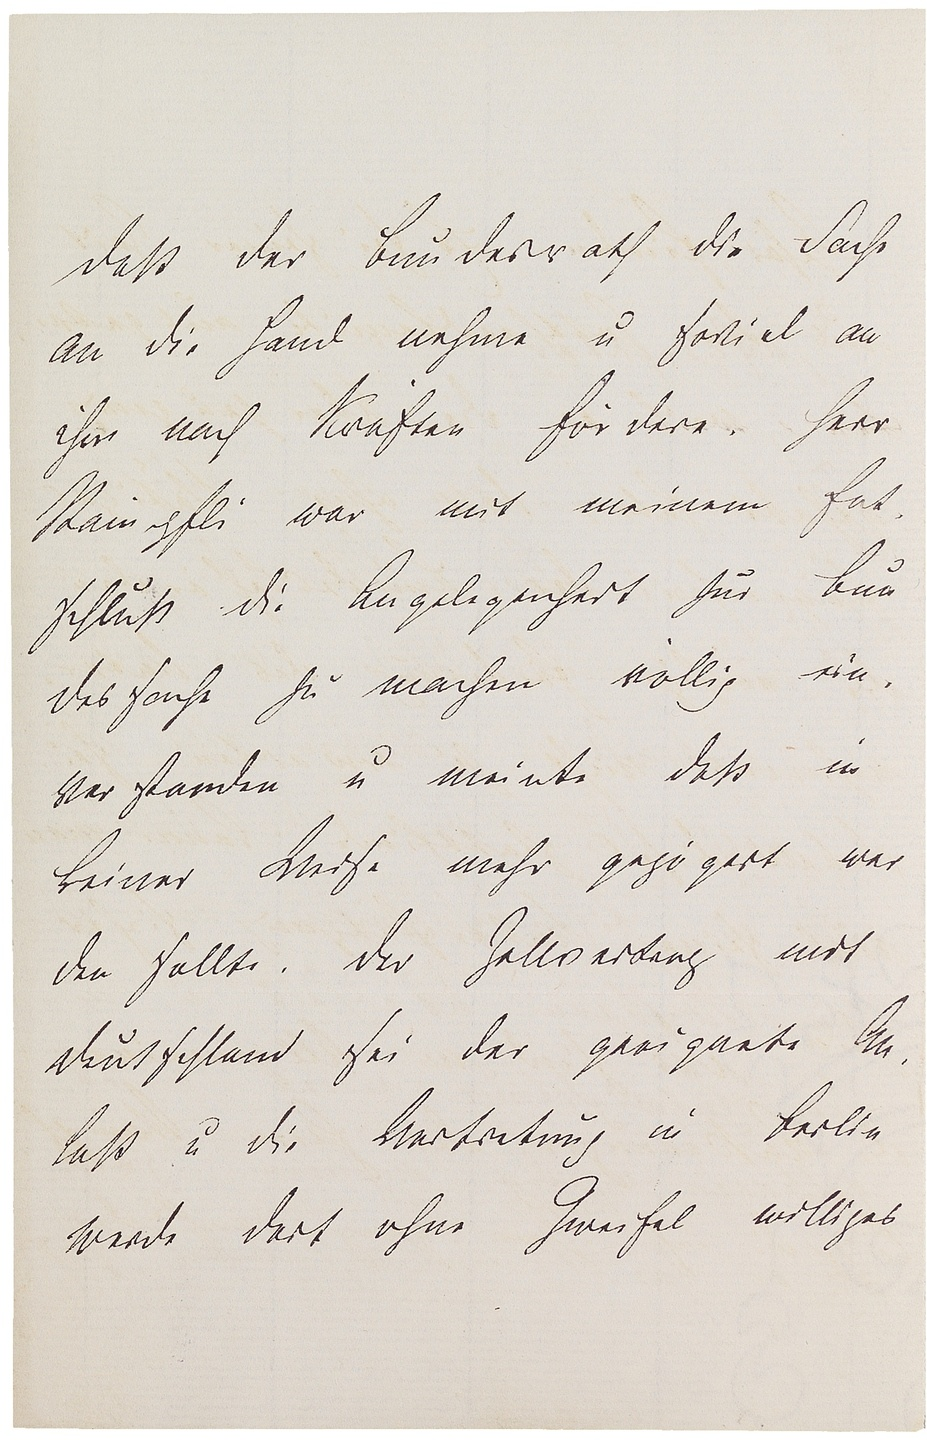daß der Bundesrath die Sache
an die Hand nehme u soviel an
ihm nach Kräften fördere. Herr
Stämpfli war mit meinem Ent-
schluß die Angelegenheit zur Bun-
dessache zu machen völlig ein-
verstanden u meinte daß in
keiner Weise mehr gezögert wer-
den sollte. Der Zollvertrag mit
Deutschland sei der geeignete An-
laß u die Vertretung in Berlin
werde dort ohne Zweifel williges